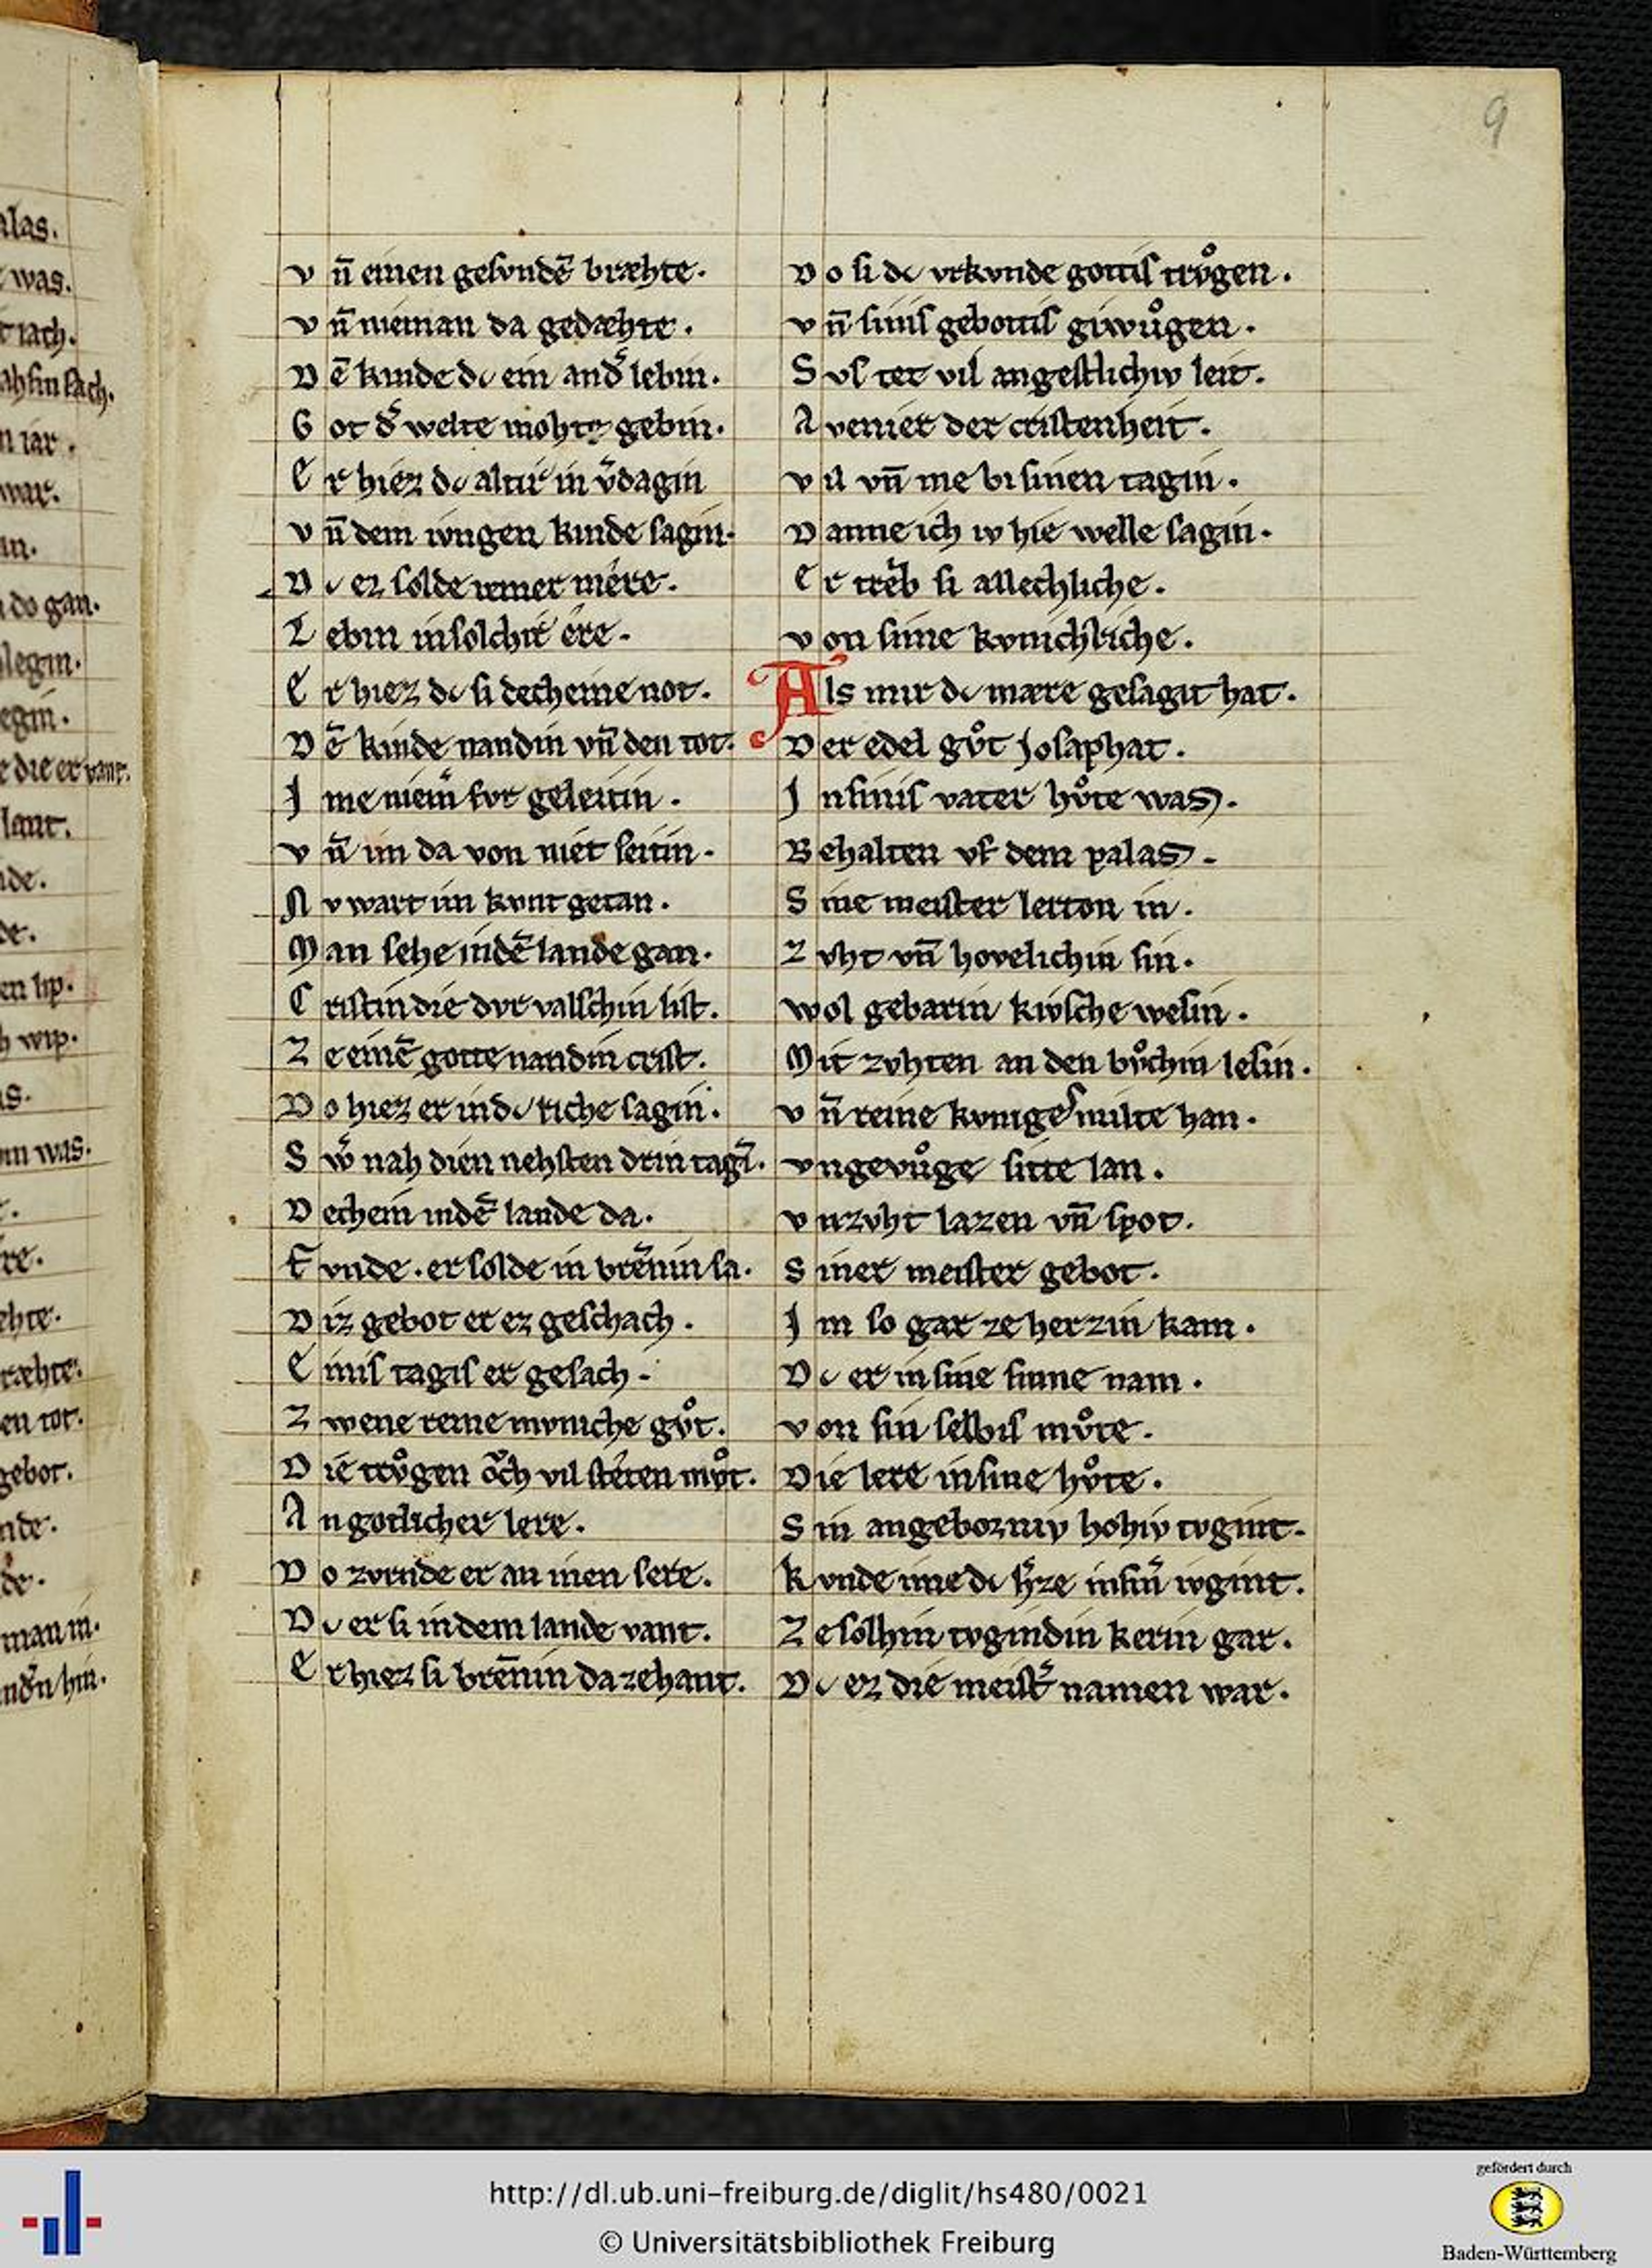Vn(d) einen geſvnde(n) br[ae]hte.
Vn(d) nieman da ged[ae]hte.
De(m) kinde (daz) ein and(er) lebin.
Got d(er) welte mohte gebin.
Er hiez d(az) altir in v(er)dagin
Vn(d) dem ivngen kinde ſagin.
D(az) ez ſolde iemer mere.
Lebin inſolchir ere.
Er hiez d(az) ſi decheine not.
De(m) kinde nandin vn(d) den tot.
Ime niem(er) fvr geleitin.
Vn(d) im da von niet ſeitin.
Nv wart im kvnt getan.
Man ſehe inde(m) lande gan.
Criſtin die dvr valſchin liſt.
Ze eine(m) gotte nandin criſt.
Do hiez er ind(az) riche ſagin.
Sw(er) nah dien nehſten drin tagi(n).
Dechein inde(m) lande da.
Fvnde. er ſolde in bre(n)nin ſa.
Diz gebot er ez geſchach.
Einiſ tagiſ er geſach.
Zwene reine mvniche gv°ot.
Die trv°ogen o°vch vil ſteten mv°ot.
An gotlicher lere.
Do zvrnde er an inen ſere.
D(az) er ſi in dem lande vant.
Er hiez ſi bre(n)nin da zehant.
Do ſi d(az) vrkvnde gottiſ trv°ogen.
Vn(d) ſiniſ gebottiſ giwu°ogen.
Svſ tet vil angeſtlichiv leit.
Avenier der criſtenheit.
Vil vn(d) me bi ſinen tagin.
Danne ich iv hie welle ſagin.
Er treb ſi allechliche.
Von ſime kvnichliche.
*Als mir d(az) m[ae]re geſagit hat.
Der edel gv°ot Josaphat.
Inſiniſ vater hv°ote was.
Behalten vf dem palas.
Sine meiſter lerton in.
Zvht vn(d) hovelichin ſin.
Wol gebarin kivſche weſin.
Mit zvhten an den bv°ochin leſin.
Vn(d) reine kvnige°(ſ) milte han.
Vngevu°oge ſitte lan.
Vnzvht lazen vn(d) ſpot.
Siner meiſter gebot.
Im ſo gar ze herzin kam.
D(az) er in ſine ſinne nam.
Von ſin ſelbiſ mv°ote.
Die lere inſine hv°ote.
Sin angeborniv hohiv tvgint.
Kvnde ime d(az) h(er)ze inſin(er) ivgint.
Ze ſolhin tvgindin kerin gar.
D(az) ez die meiſt(er) namen war.